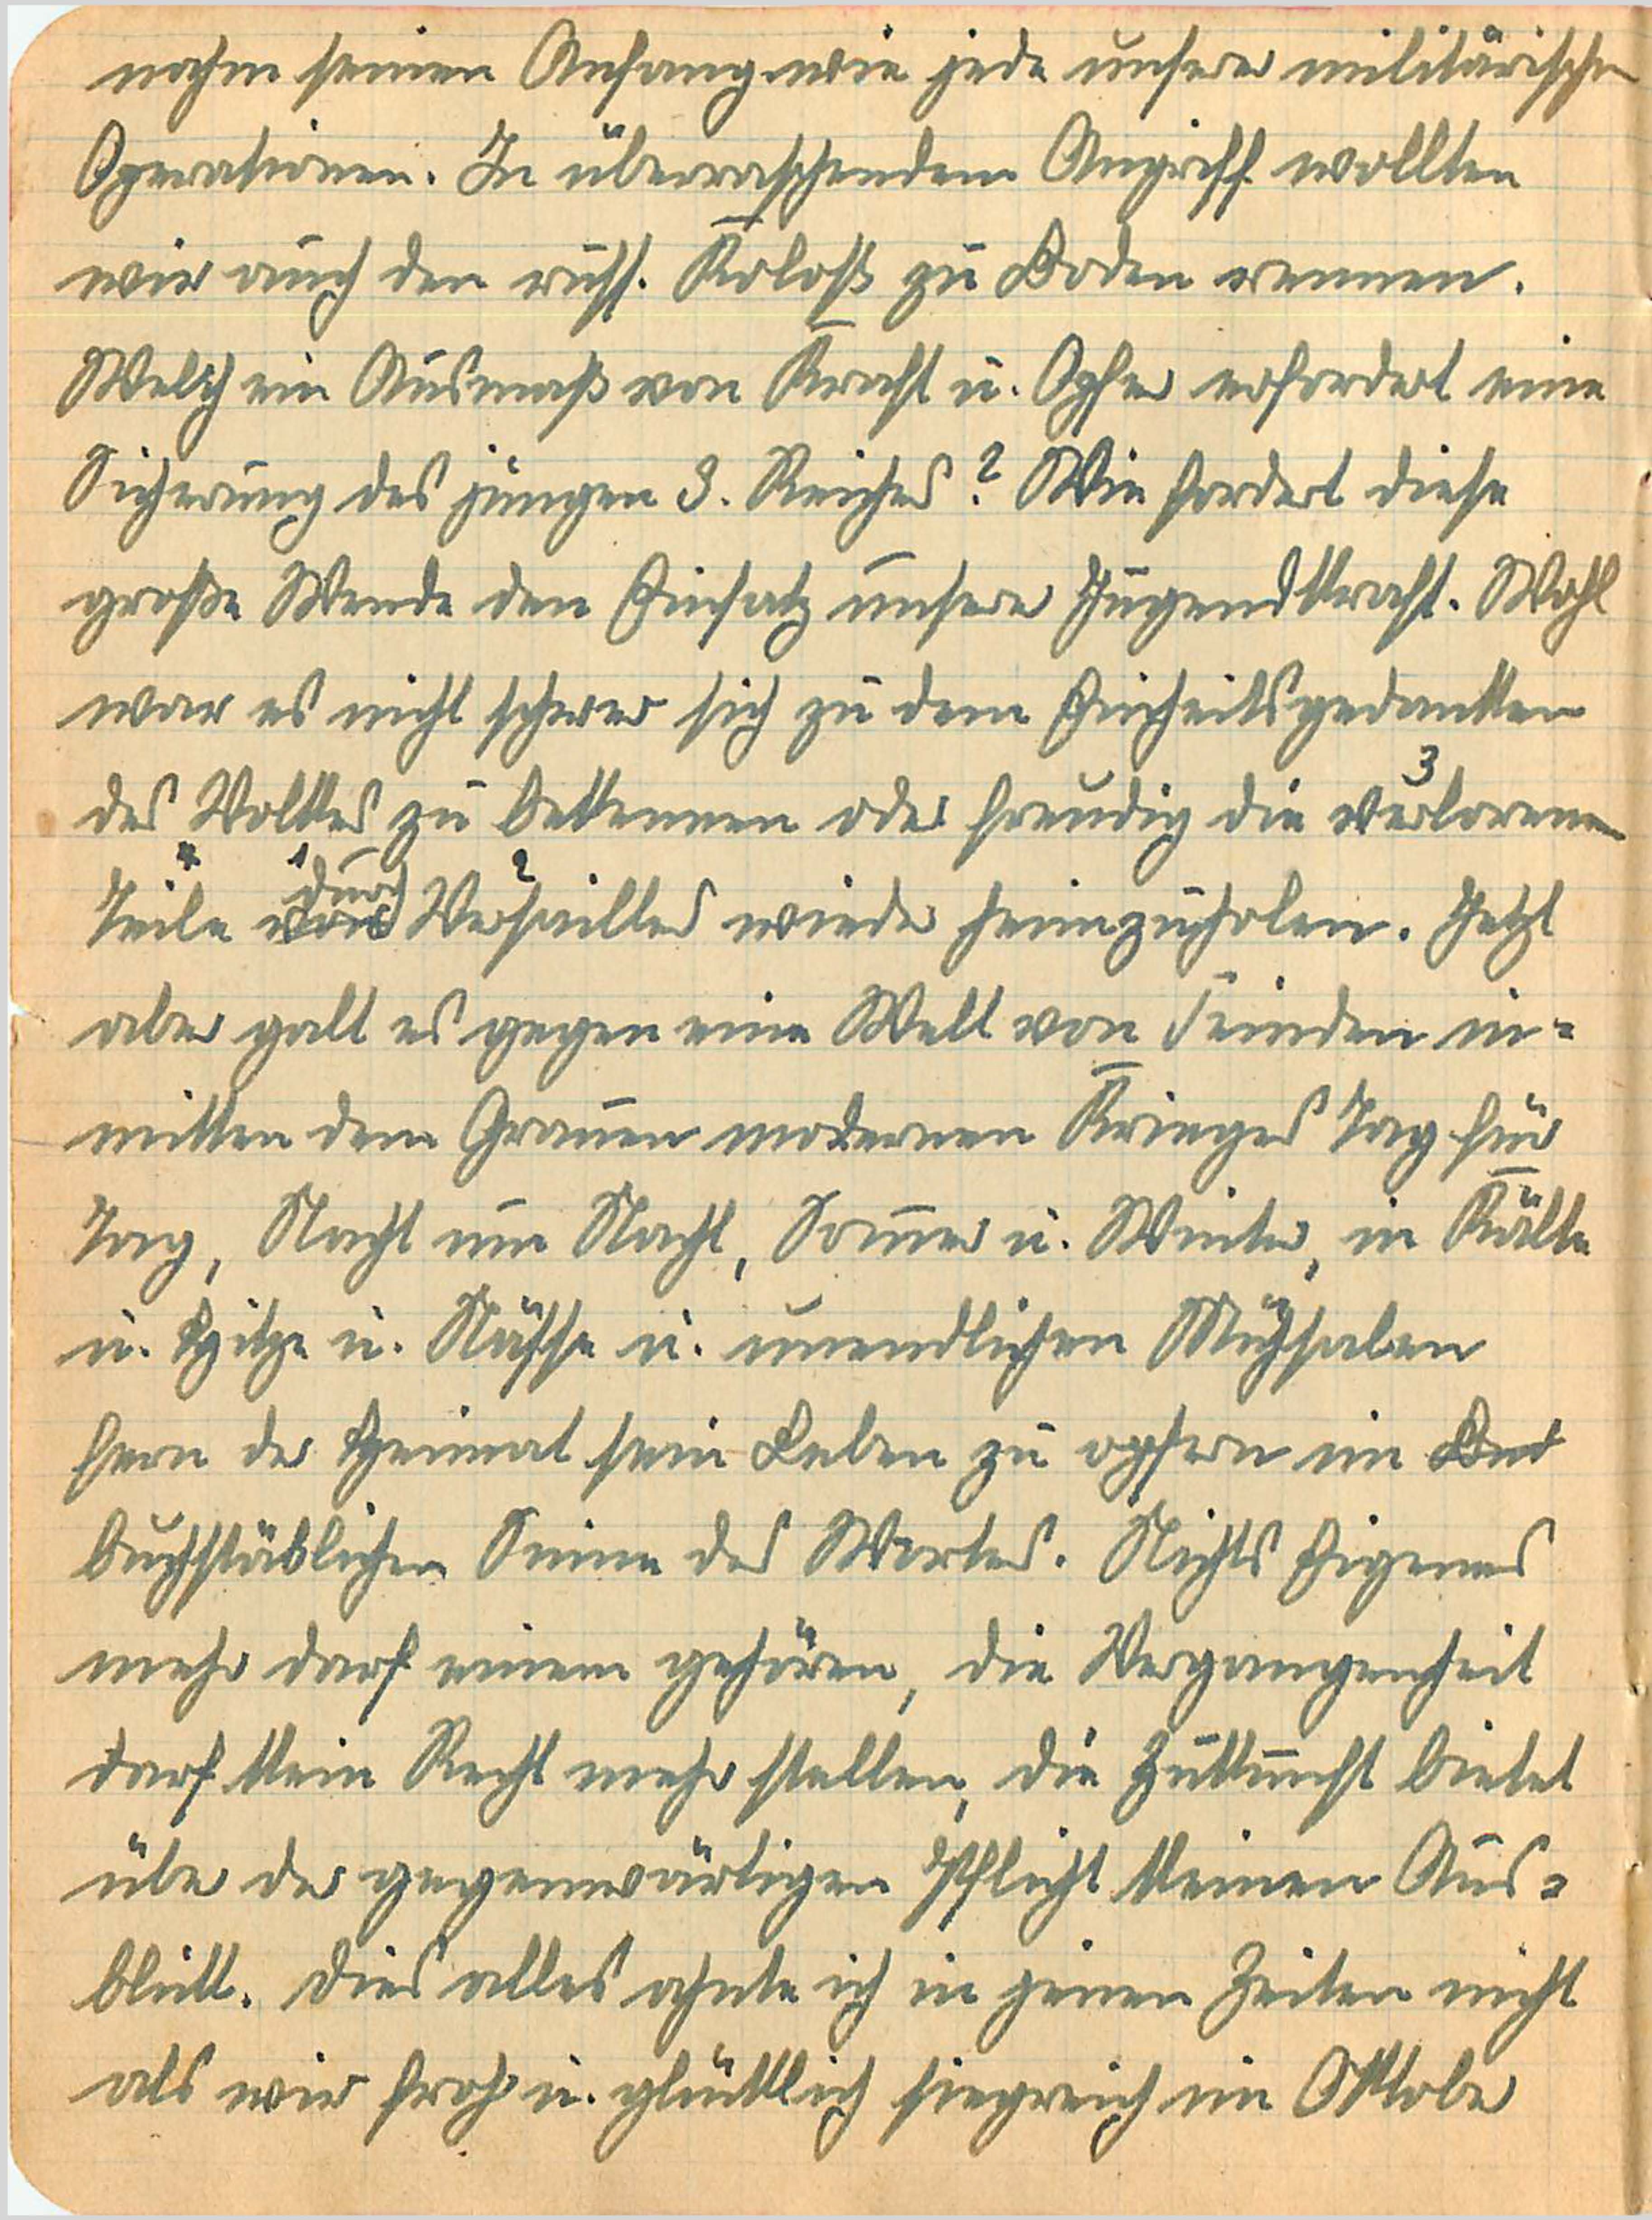nahm seinen Anfang wie jede unserer militärischen
Operationen. In überraschendem Angriff wollten
wir auch den russ. Koloß zu Boden rennen.
Welch ein Ausmaß von Kraft u. Opfer erfordert eine
Sicherung des jungen 3. Reiches? Wie fordert diese
große Wende den Einsatz unserer Jugendkraft. Wohl
war es nicht schwer sich zu dem Einheitsgedanken
des Volkes zu bekennen oder freudig die 3verlorenen
4Teile 1durch von 2Versailles wieder heimzuholen. Jetzt
aber galt es gegen eine Welt von Feinden in-
mitten dem Grauen modernen Krieges Tag für
Tag, Nacht um Nacht, Sommer u. Winter, in Kälte
u. Hitze u. Nässe u. unendlichen Mühsalen
fern der Heimat sein Leben zu opfern im Bed
buchstäblichen Sinne des Wortes. Nichts Eigenes
mehr darf einem gehören, die Vergangenheit
darf keine Recht mehr stellen, die Zukunft bietet
über der gegenwärtigen Pflicht keinen Aus-
blick. Dies alles ahnte ich in jenen Zeiten nicht
als wir froh u. glücklich siegreich im Oktober